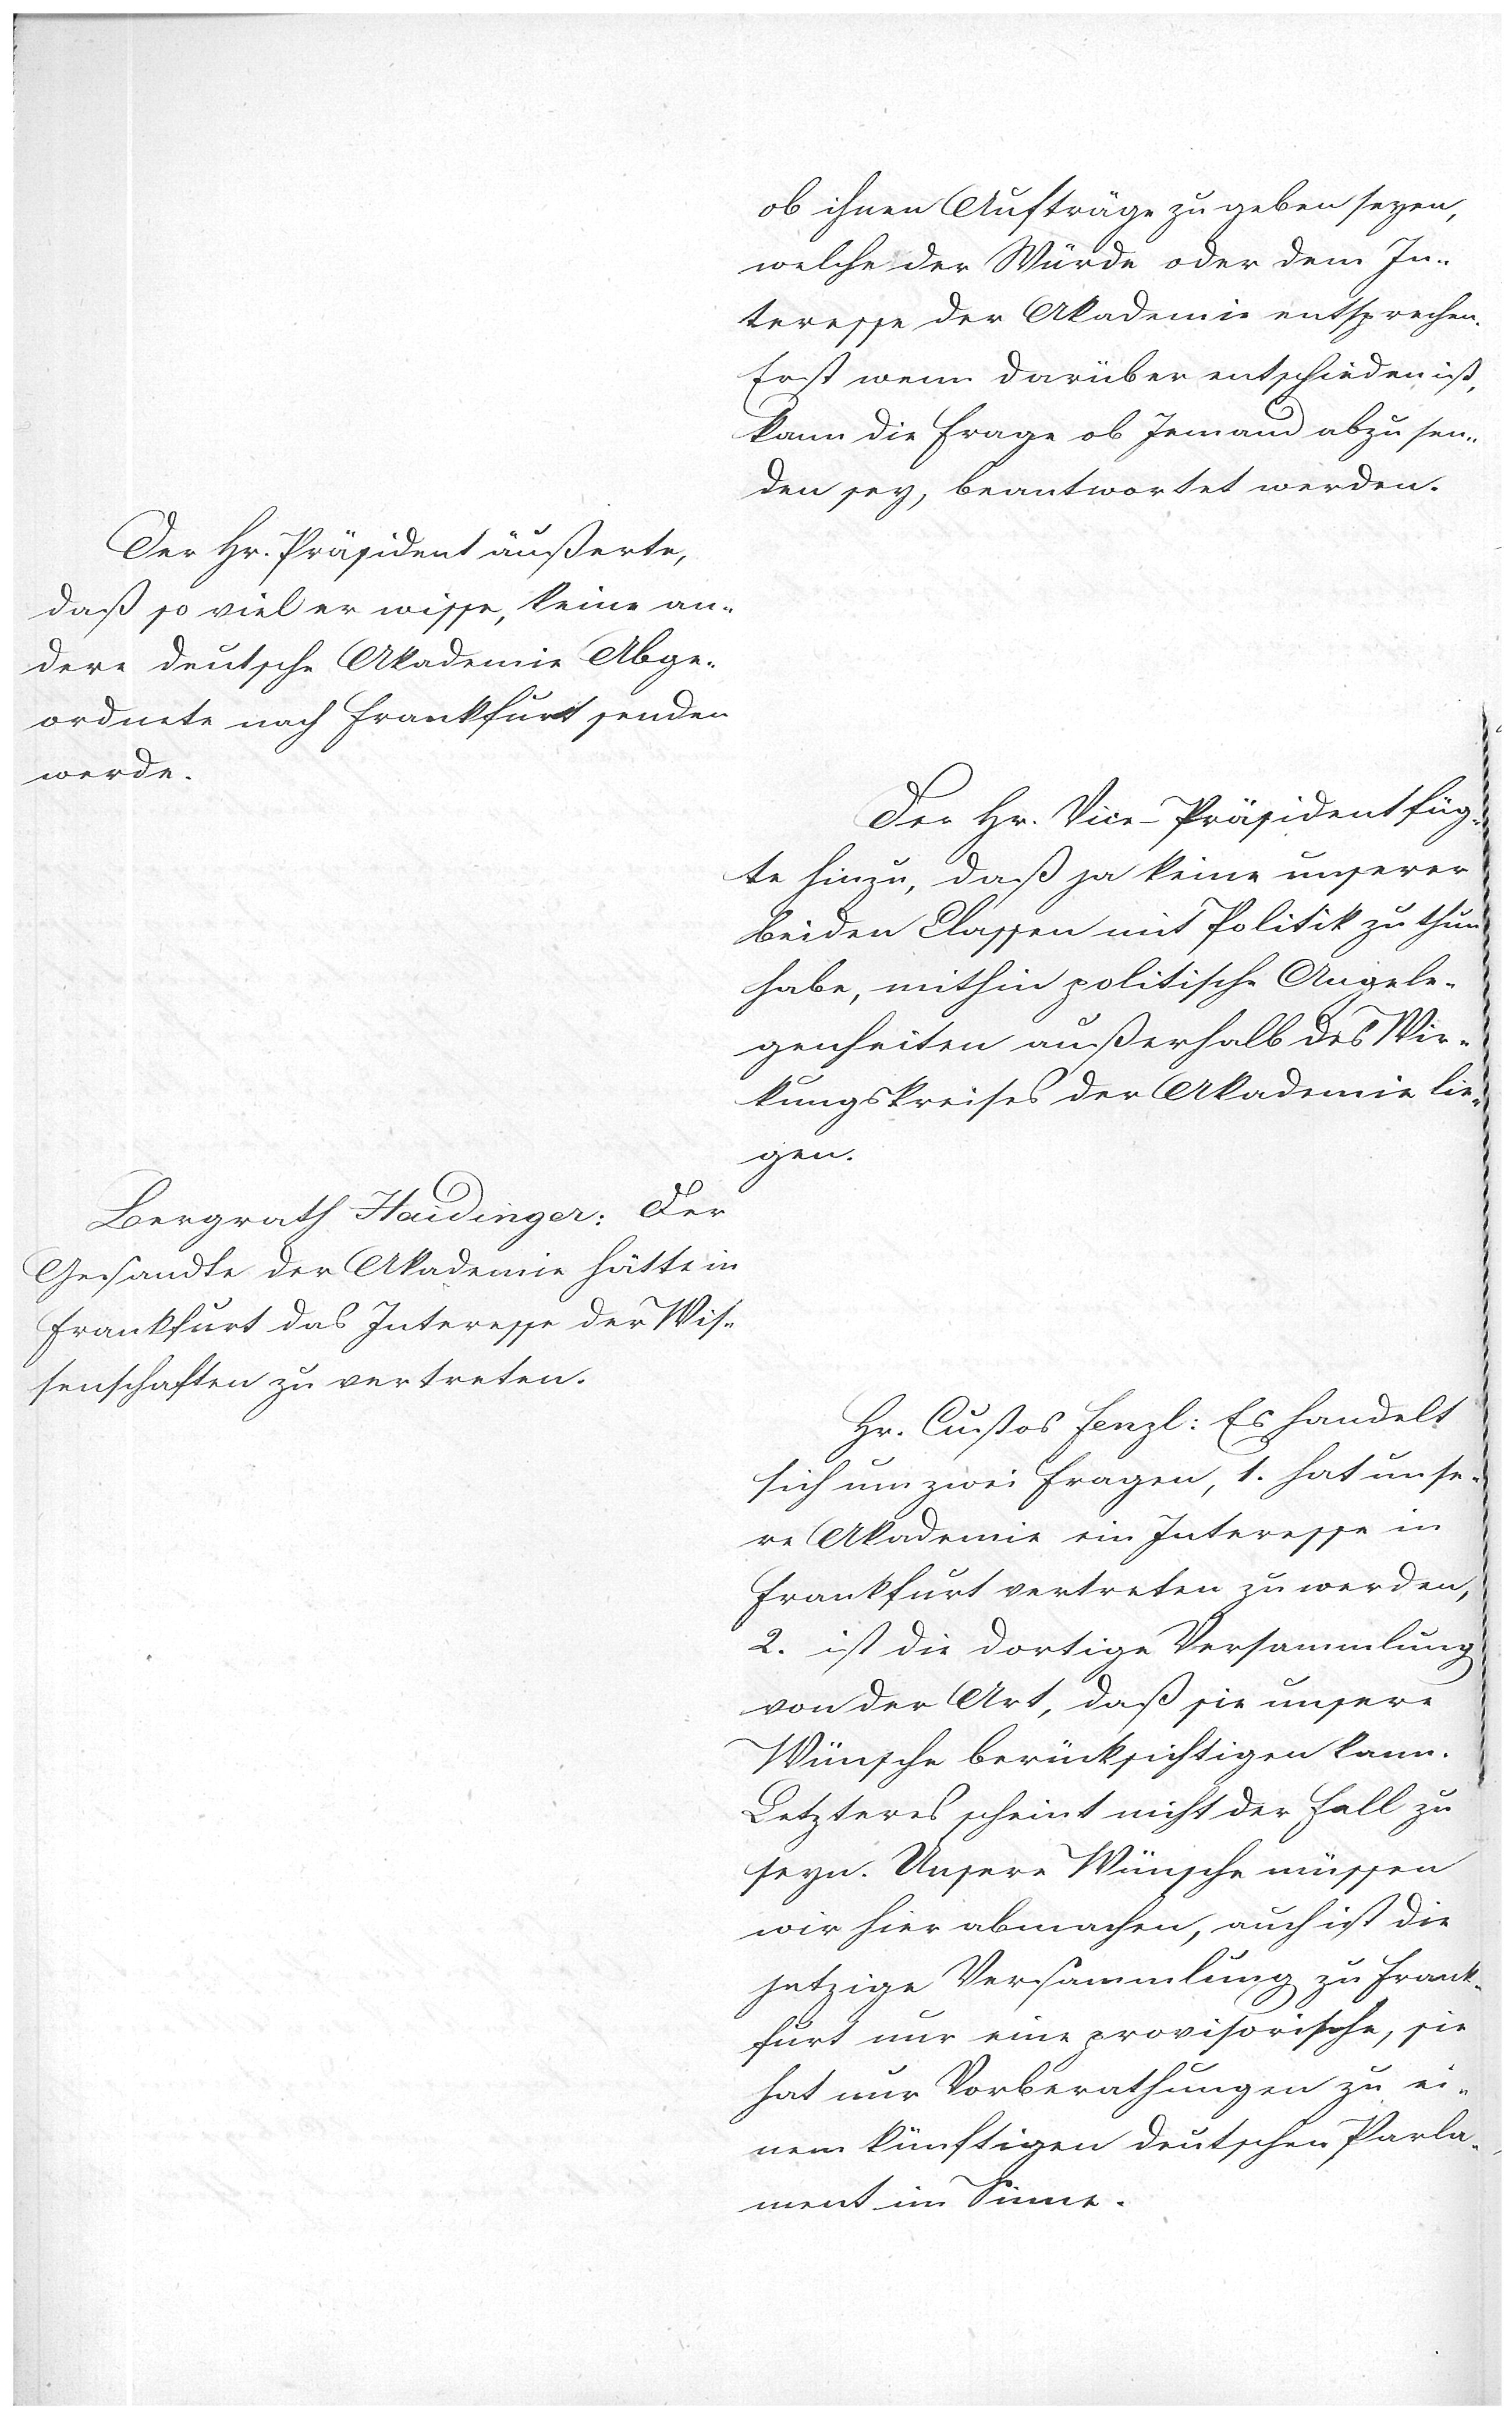ob ihnen Aufträge zu geben seyen,
welche der Würde oder dem In-
teresse der Akademie entsprechen.
Erst wenn darüber entschieden ist,
kann die Frage ob jemand abzusen-
den sey, beantwortet werden.
Der Hr. Präsident äußerte,
daß so viel er wisse, keine an-
dere deutsche Akademie Abge-
ordnete noch Frankfurt senden
werde.
Der Hr Vice-Präsident füg-
te hinzu, daß ja keine unserer
beiden Classen und Politik zu thun
habe, mithin politische Angele-
genheiten außerhalb des Wir-
kungskreises der Akademie lie-
gen.
Bergrath Haidinger: Der
Gesandte der Akademie hätte in
Frankfurt das Interesse der Wis-
senschaften zu vertreten.
Hr. Custos Fenzl: Es handelt
sich um zwei Fragen, 1. hat unse-
re Akademie ein Interesse in
Frankfürt vertreten zu werden,
2. ist die dortige Versammlung
von der Art, daß sie unsere
Wünsche berücksichtigen kann.
Letzteres scheint nicht der Fall zu
seyn. Unsere Wünsche müssen
wir hier abmachen, auch ist die
jetzige Versammlung zu Frank-
furt nur eine provisorische, sie
hat nur Verberathungen zu ei-
nem künftigen deutschen Parla-
ment im Sinne.